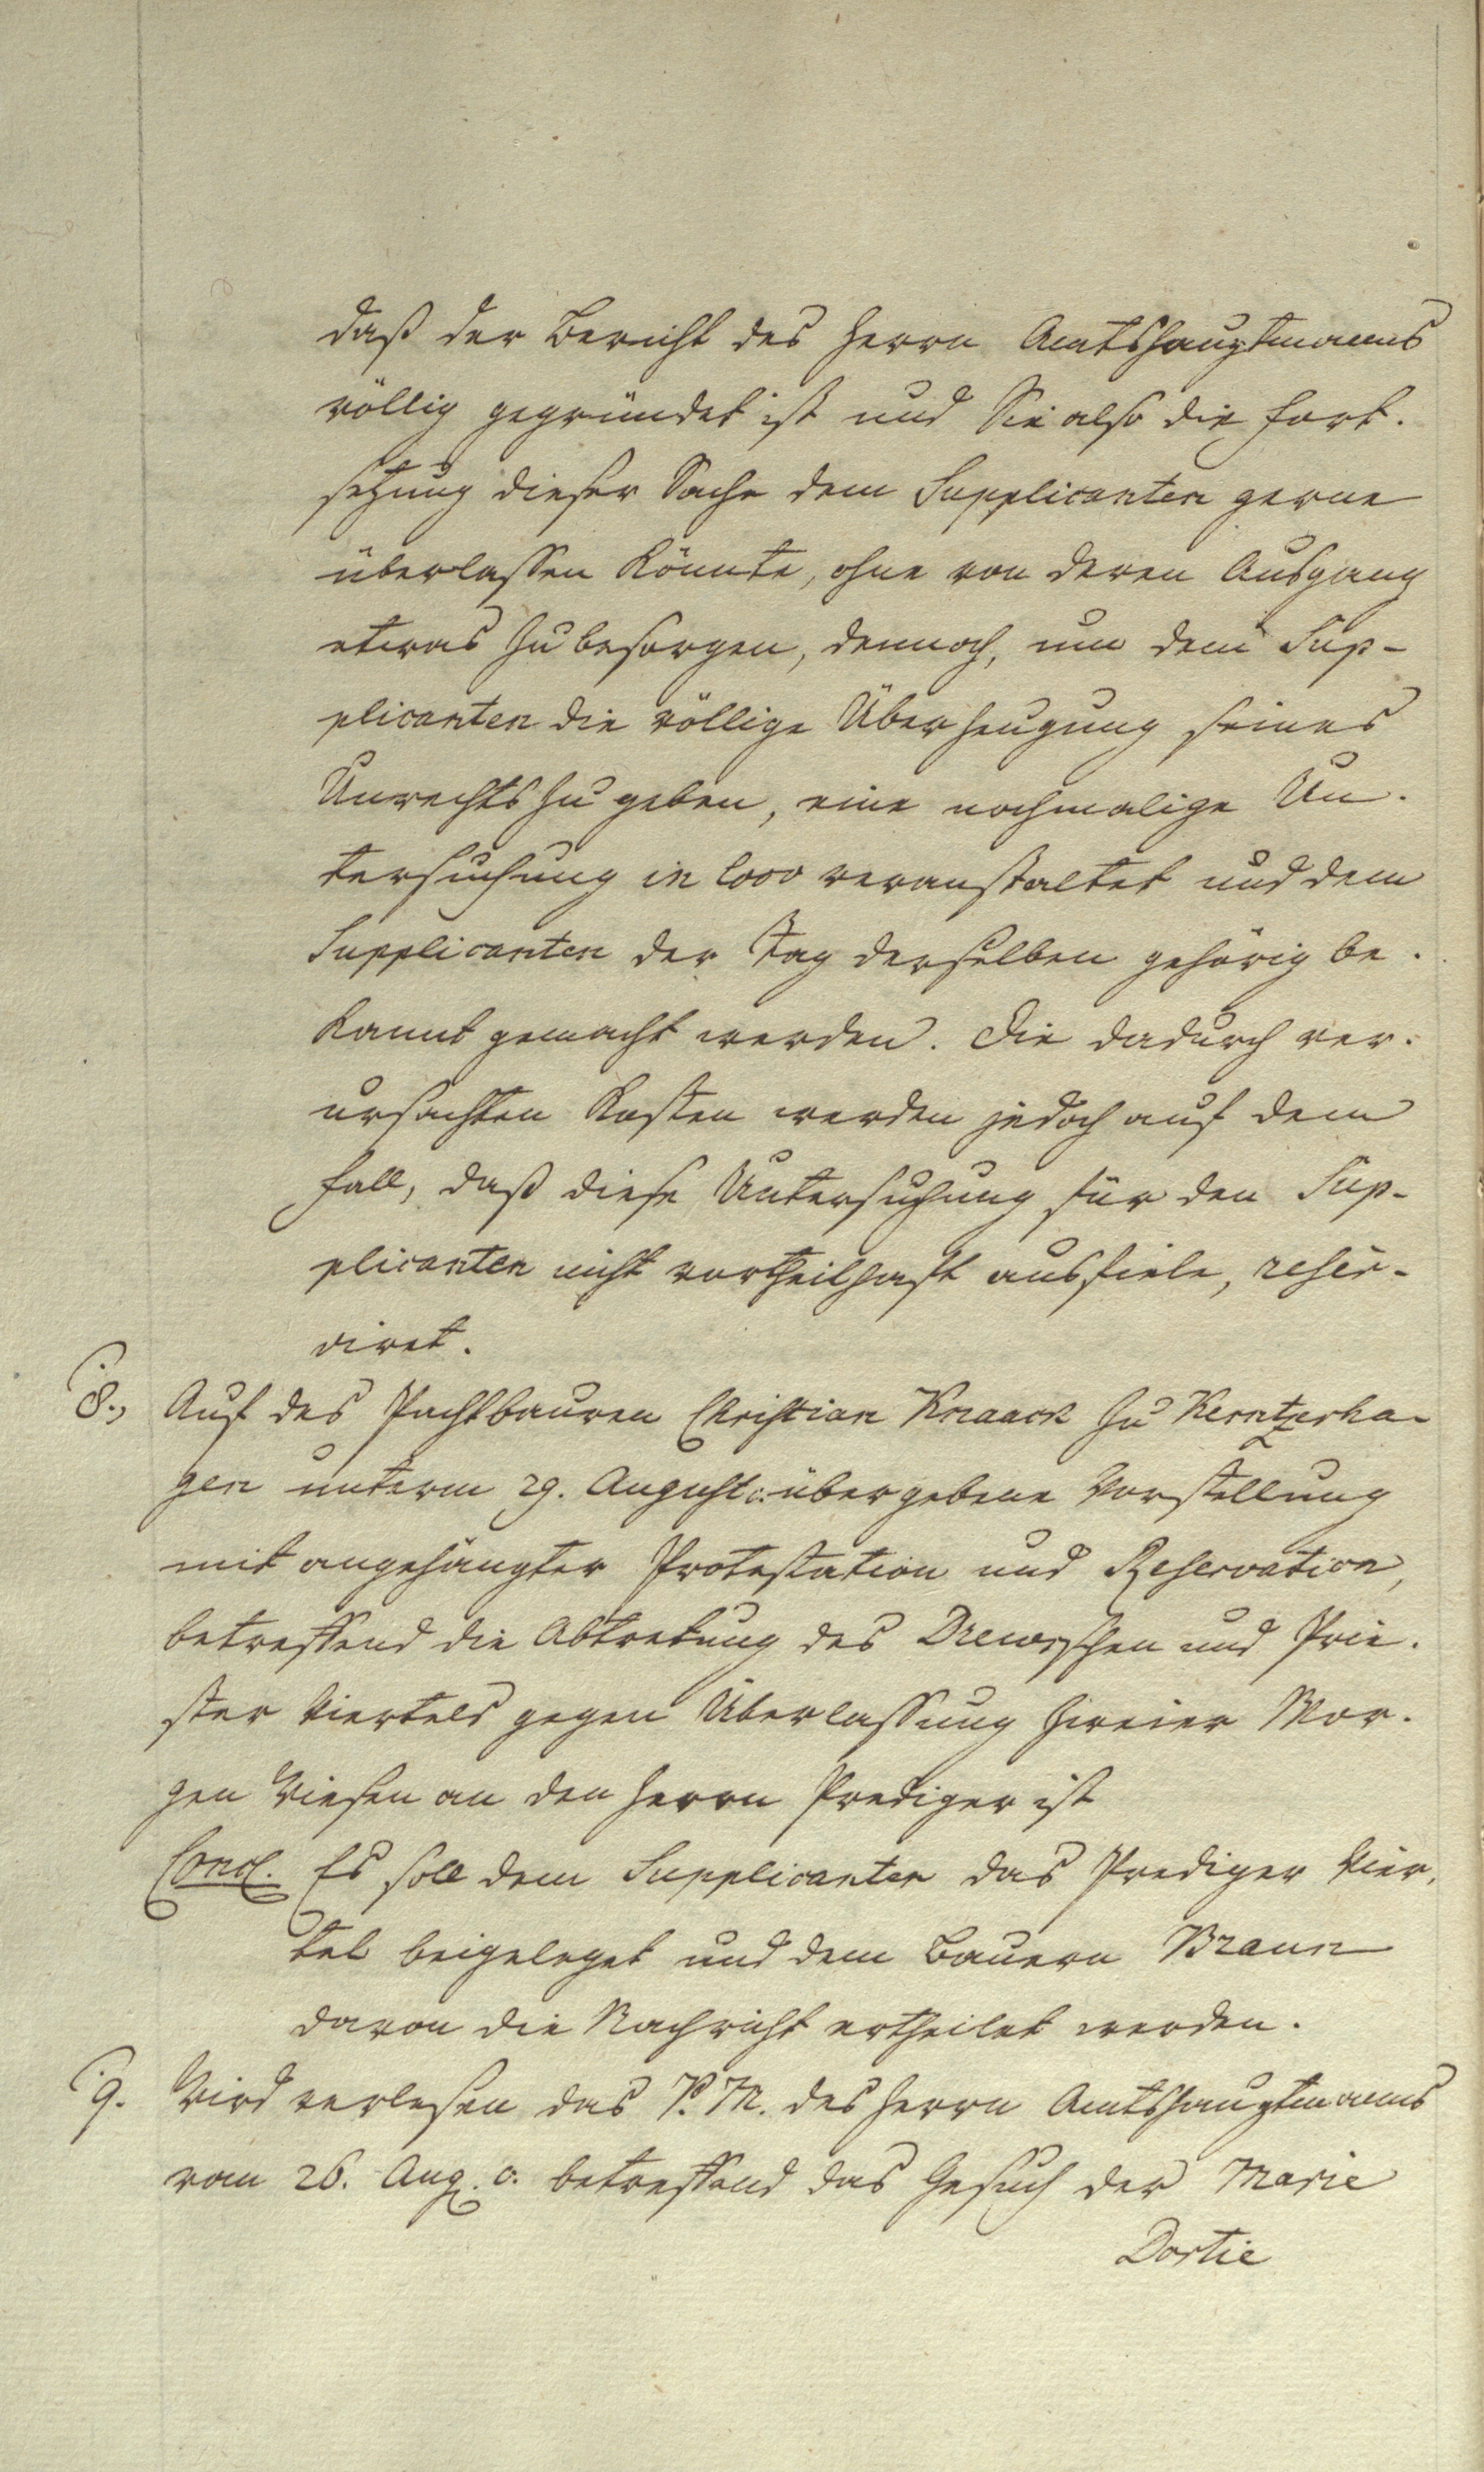daß der Bericht des Herrn Amtshauptmanns
völlig gegründet ist und Sie also die Fort¬
setzung dieser Sache dem Supplicanten gerne
überlassen könnte, ohne von deren Ausgang
etwas zu besorgen, dennoch, um dem Sup¬
plicanten die völlige Überzeugung seines
Unrechts zu geben, eine nochmalige Un¬
tersuchung in loco veranstaltet und dem
Supplicanten der Tag derselben gehörig be¬
kannt gemacht werden. Die dadurch ver¬
ursachten Kosten werden jedoch auf dem
Fall, daß diese Untersuchung für den Sup¬
plicanten nicht vortheilhaft ausfiele, reser-
viret.
8., Auf des Pachtbauren Christian Knaack zu Kemtzerha-
gen unterm 29. August c. übergebene Vorstellung
mit angehängter Protestation und Reservation,
betreffend die Abtretung des Drewsschen und Prie¬
ster Viertels gegen Überlassung zweier Mor¬
gen Wiesen an den Herrn Prediger ist
Concl. Es soll dem Supplicanten das Prediger Vier¬
tel beigeleget und dem Bauern Braun
davon die Nachricht ertheilet werden.
9. Wird verlesen das P. M. des Herrn Amtshauptmanns
vom 26. Aug. c. betreffend das Gesuch der Marie
Dortie